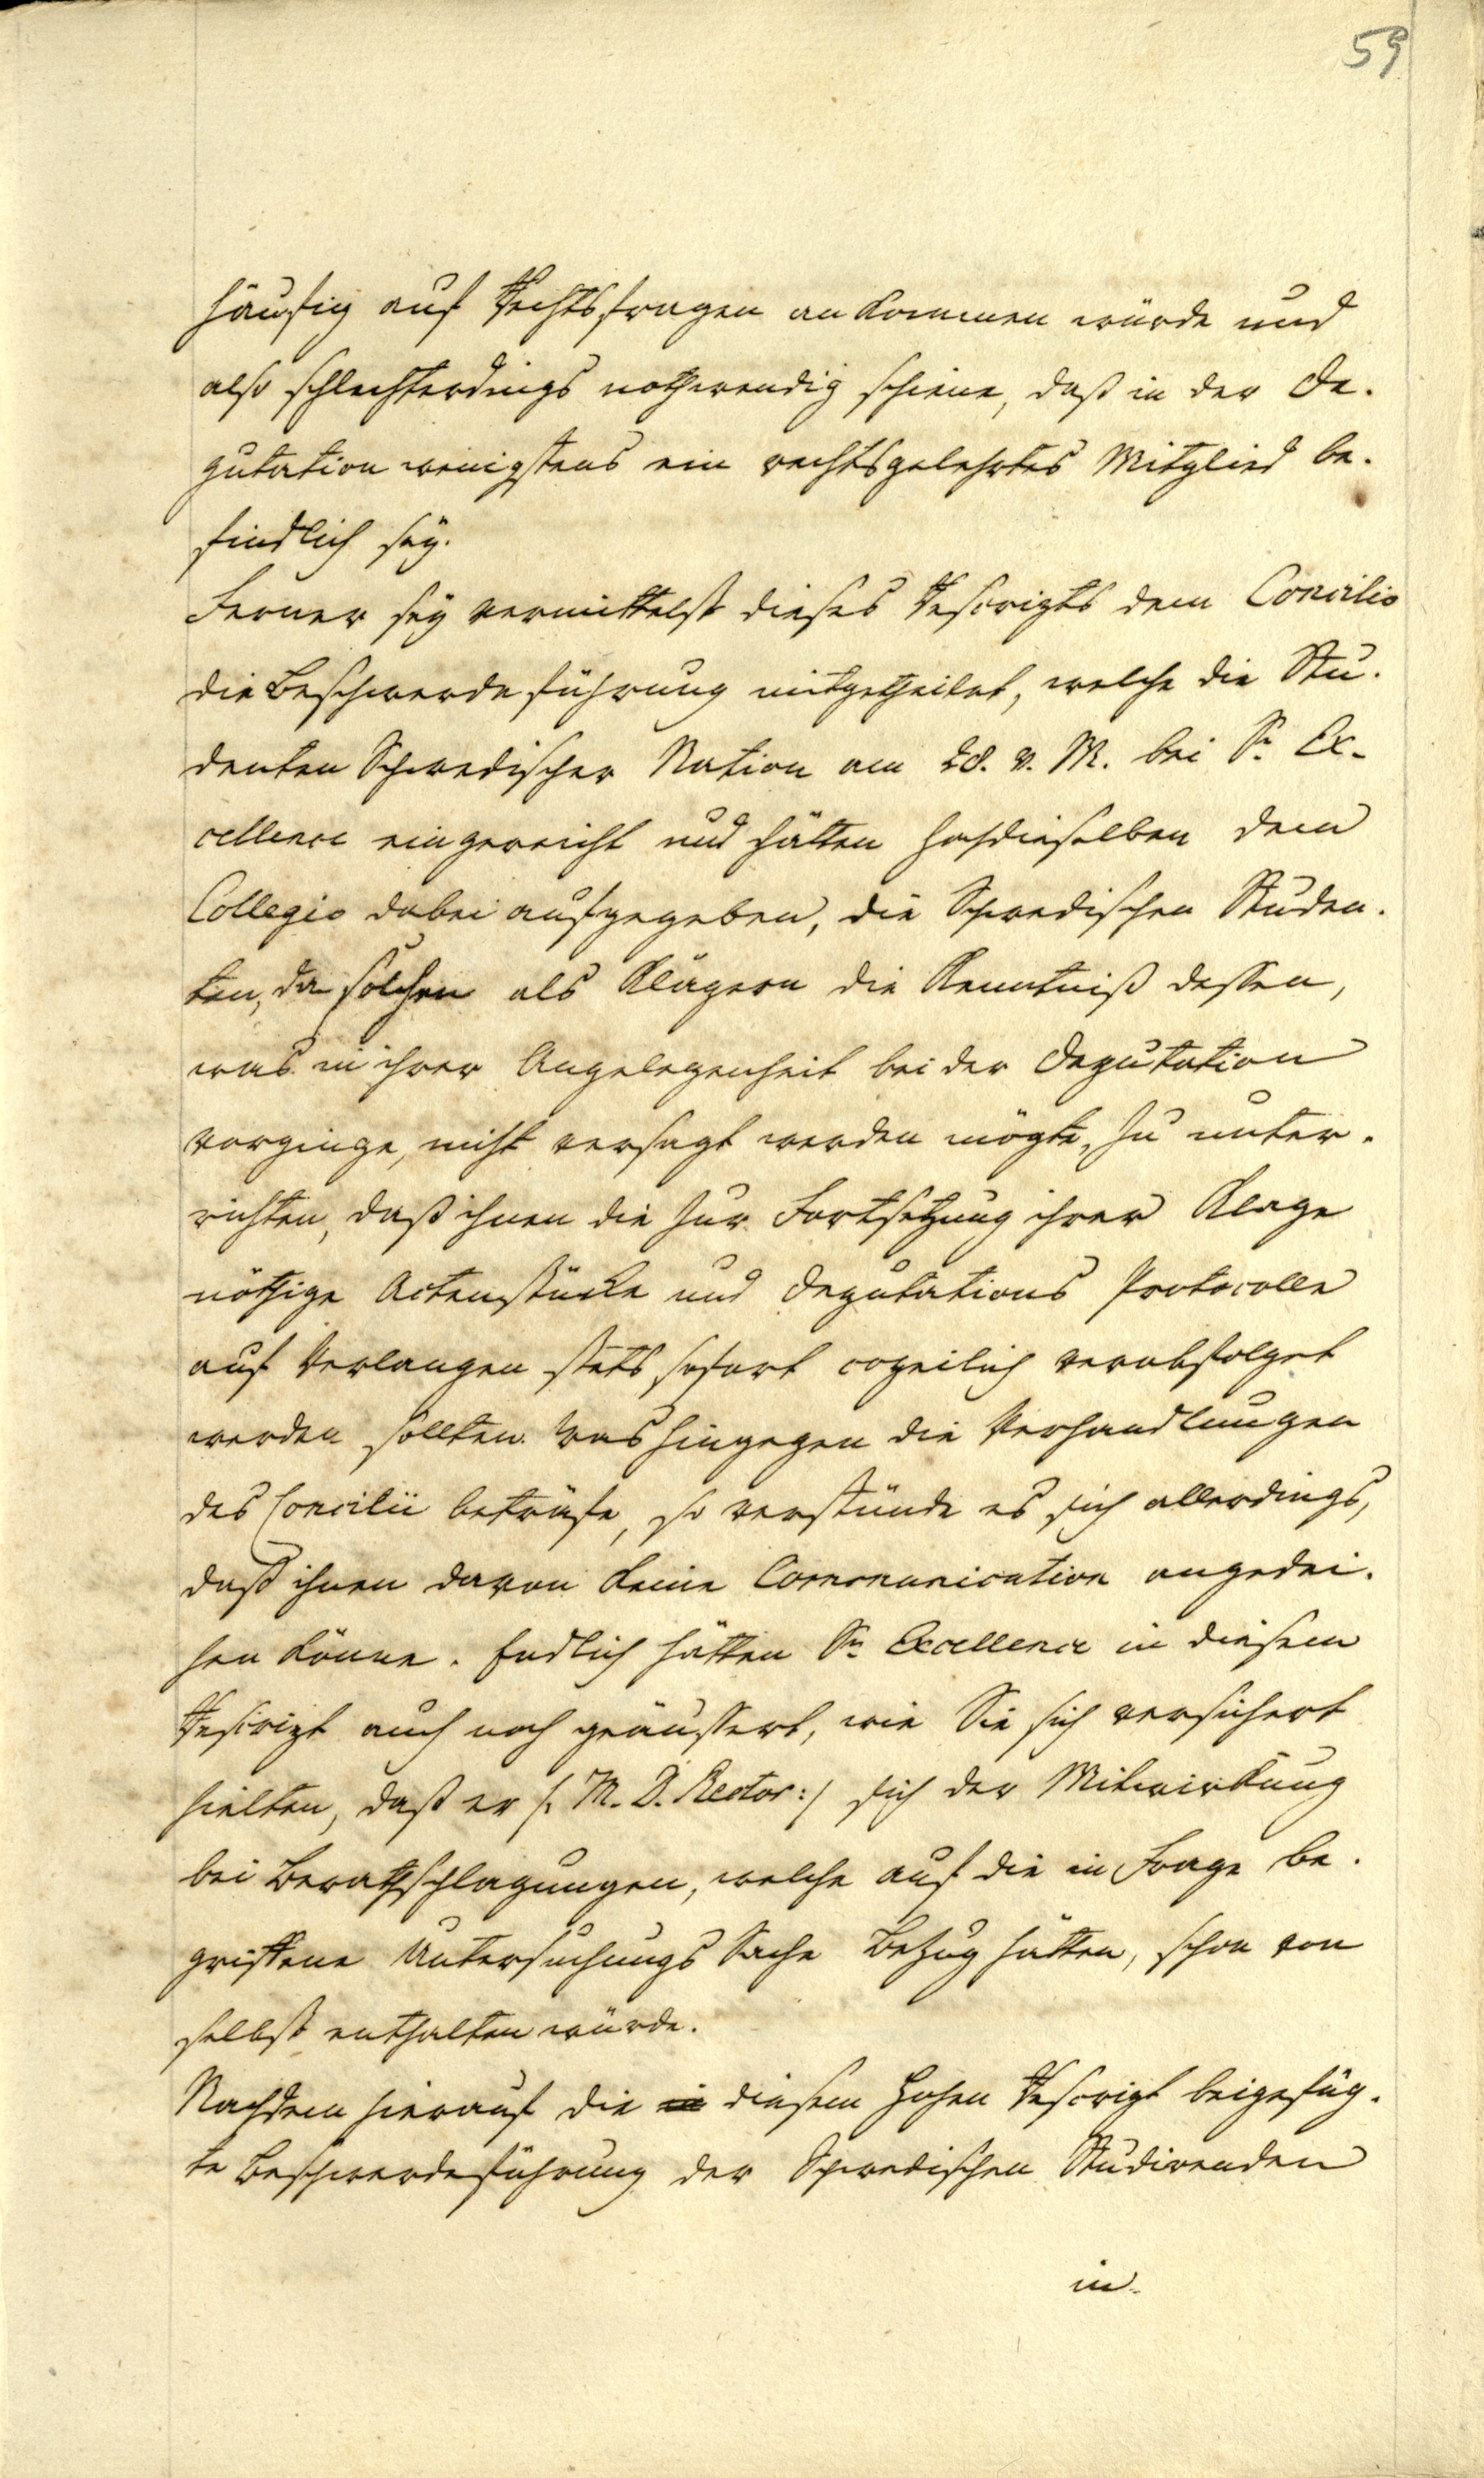häufig auf Rechts fragen an kommen würde und
also schlechterdings nothwendig schiene, daß in der De¬
putation wenigstens ein rechtsgelehrtes Mitglied be¬
findlich seÿ.
Ferner seÿ vermittelst dieses Rescripts dem Concilio
die Beschwerdeführung mitgetheilet, welche die Stu¬
denten Schwedischer Nation am 28. v. M. bei Sr. Ex¬
cellence eingereicht und hätten hochdieselben dem
Collegio dabei aufgegeben, die Schwedischen Stunden¬
ten, da solchen als Klägern die Kenntniß dessen,
was in ihrer Angelegenheit bei der Deputation
vorginge, nicht versagt werden mögte, zu unter¬
richten, daß ihnen die zur Fortsetzung ihrer Klage
nöthige Actenstücke und Deputations Protocolle
auf Verlangen stets sofort copeilich verabfolget
werden sollten. Was hingegen die Verhandlungen
des Concilii beträfe, so verstünde es sich allerdings,
daß ihnen davon keine Communication angedei¬
hen könne. Endlich hätten Sr Excellence in diesem
Rescript auch noch geäussert, wie Sie sich versichert
hielten, daß er /: M. D. Rector :/ sich der Mitwirkung
bei Berathschlagungen, welche auf die in Frage be¬
griffene Untersuchungs Sache Bezug hätten, schon von
selbst enthalten würde.
Nachdem hierauf die in diesem Hohen Rescript beigefüg¬
te Beschwerdeführung der Schwedischen Studirenden
in